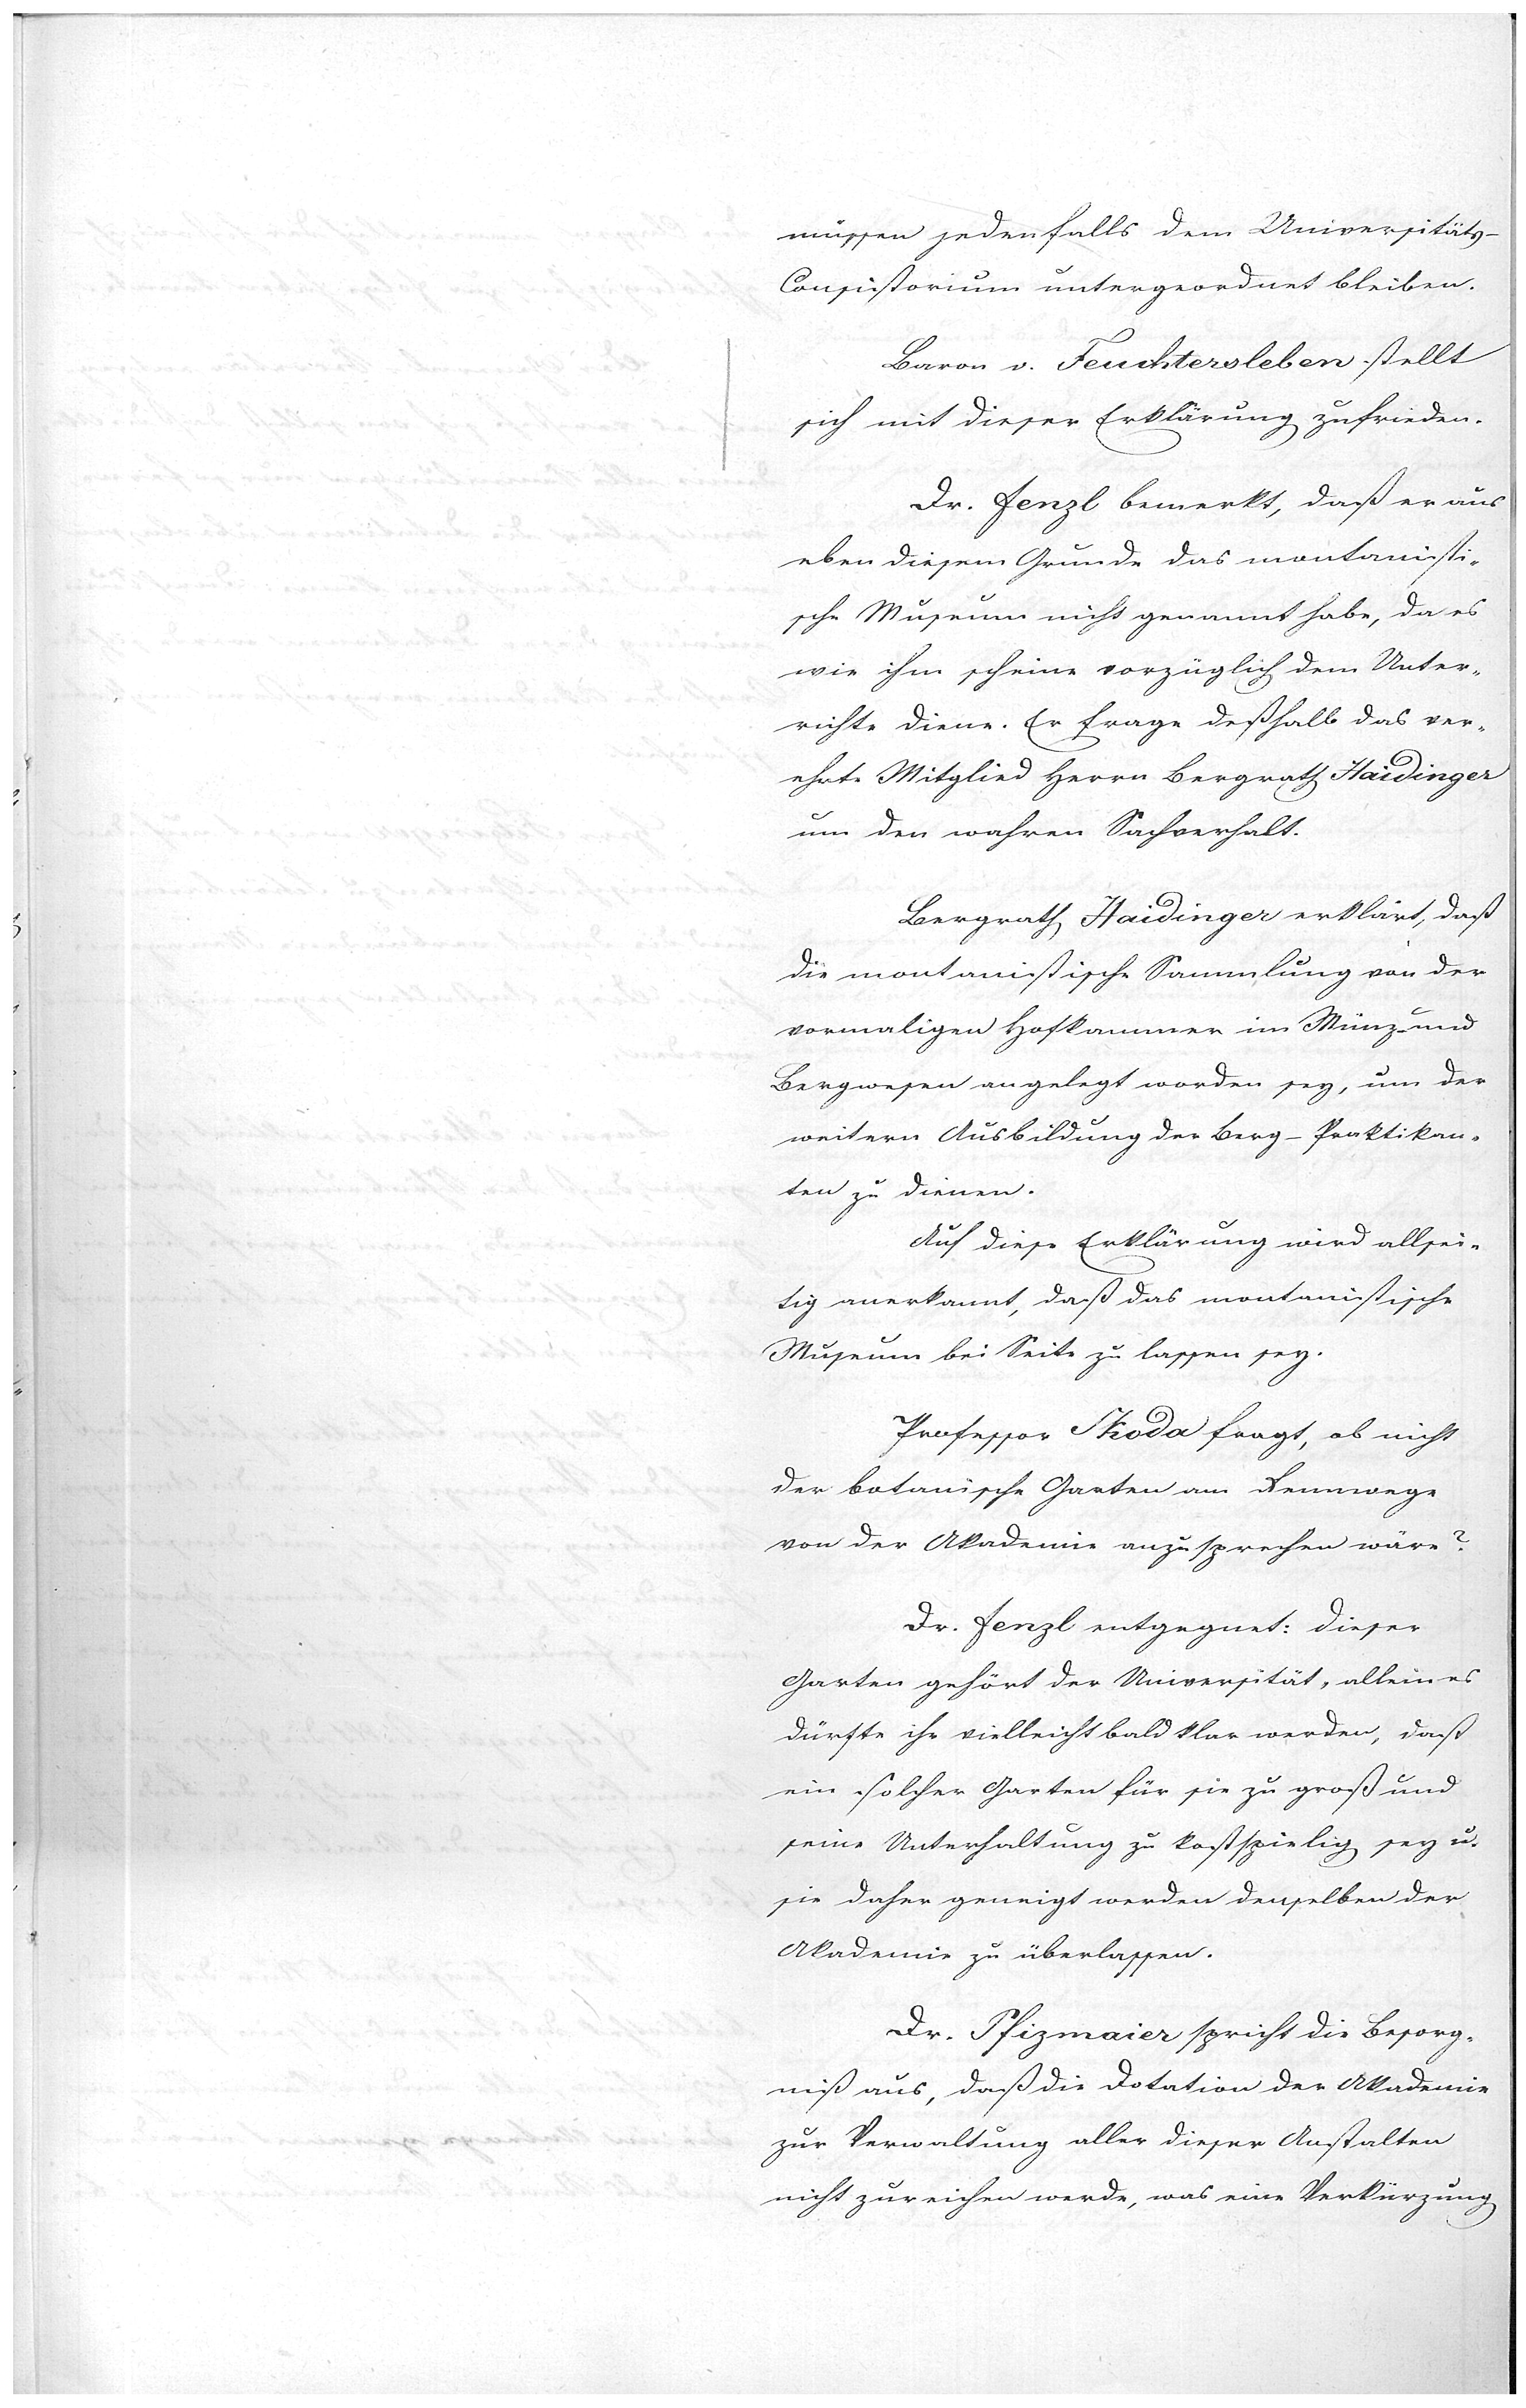müssen jedenfalls dem Universitäts-
Consistorium untergeordnet bleiben.
Baron v. Feuchtersleben stellt
sich mit dieser Erklärung zufrieden.
Dr. Fenzl bemerkt, daß er aus
eben diesem Grunde das montaninsti-
sche Museum nicht genannt habe, da es
wie ihm scheine vorzüglich dem Unter-
richte diene. Er frage deßhalb das ver-
ehrte Mitglied Herrn Bergrath Haidinger
um den wahren Sachverhalt.
Bergrath Haidinger erklärt, daß
die montanistische Sammlung von der
vormaligen Hofkammer im Münz- und
Bergwesen angelegt worden sey, um der
weiteren Ausbildung der Berg-Praktikan-
ten zu dienen.
Auf diese Erklärung wird allsei-
tig anerkannt, daß das montanistische
Museum bei Seite zu lassen sey.
Professor Skoda fragt, aus nicht
der botanischen Garten am Rennwege
von der Akademie anzusprechen wäre?
Dr. Fenzl entgegnet: Dieser
Garten gehört der Universität, allein es
dürfte ihr vielleicht bald klar werden, daß
ein solcher Garten für sie zu groß und
seine Unterhltung zu kostspielig sey u.
sie daher geneigt werden denselben der
Akademie zu überlassen.
Dr. Pfizmaier spricht die Besorg-
niß aus, daß die Dotation der Akademie
zur Verwaltung aller dieser Anstalten
nicht zureichen werde, was eine Verkürzung